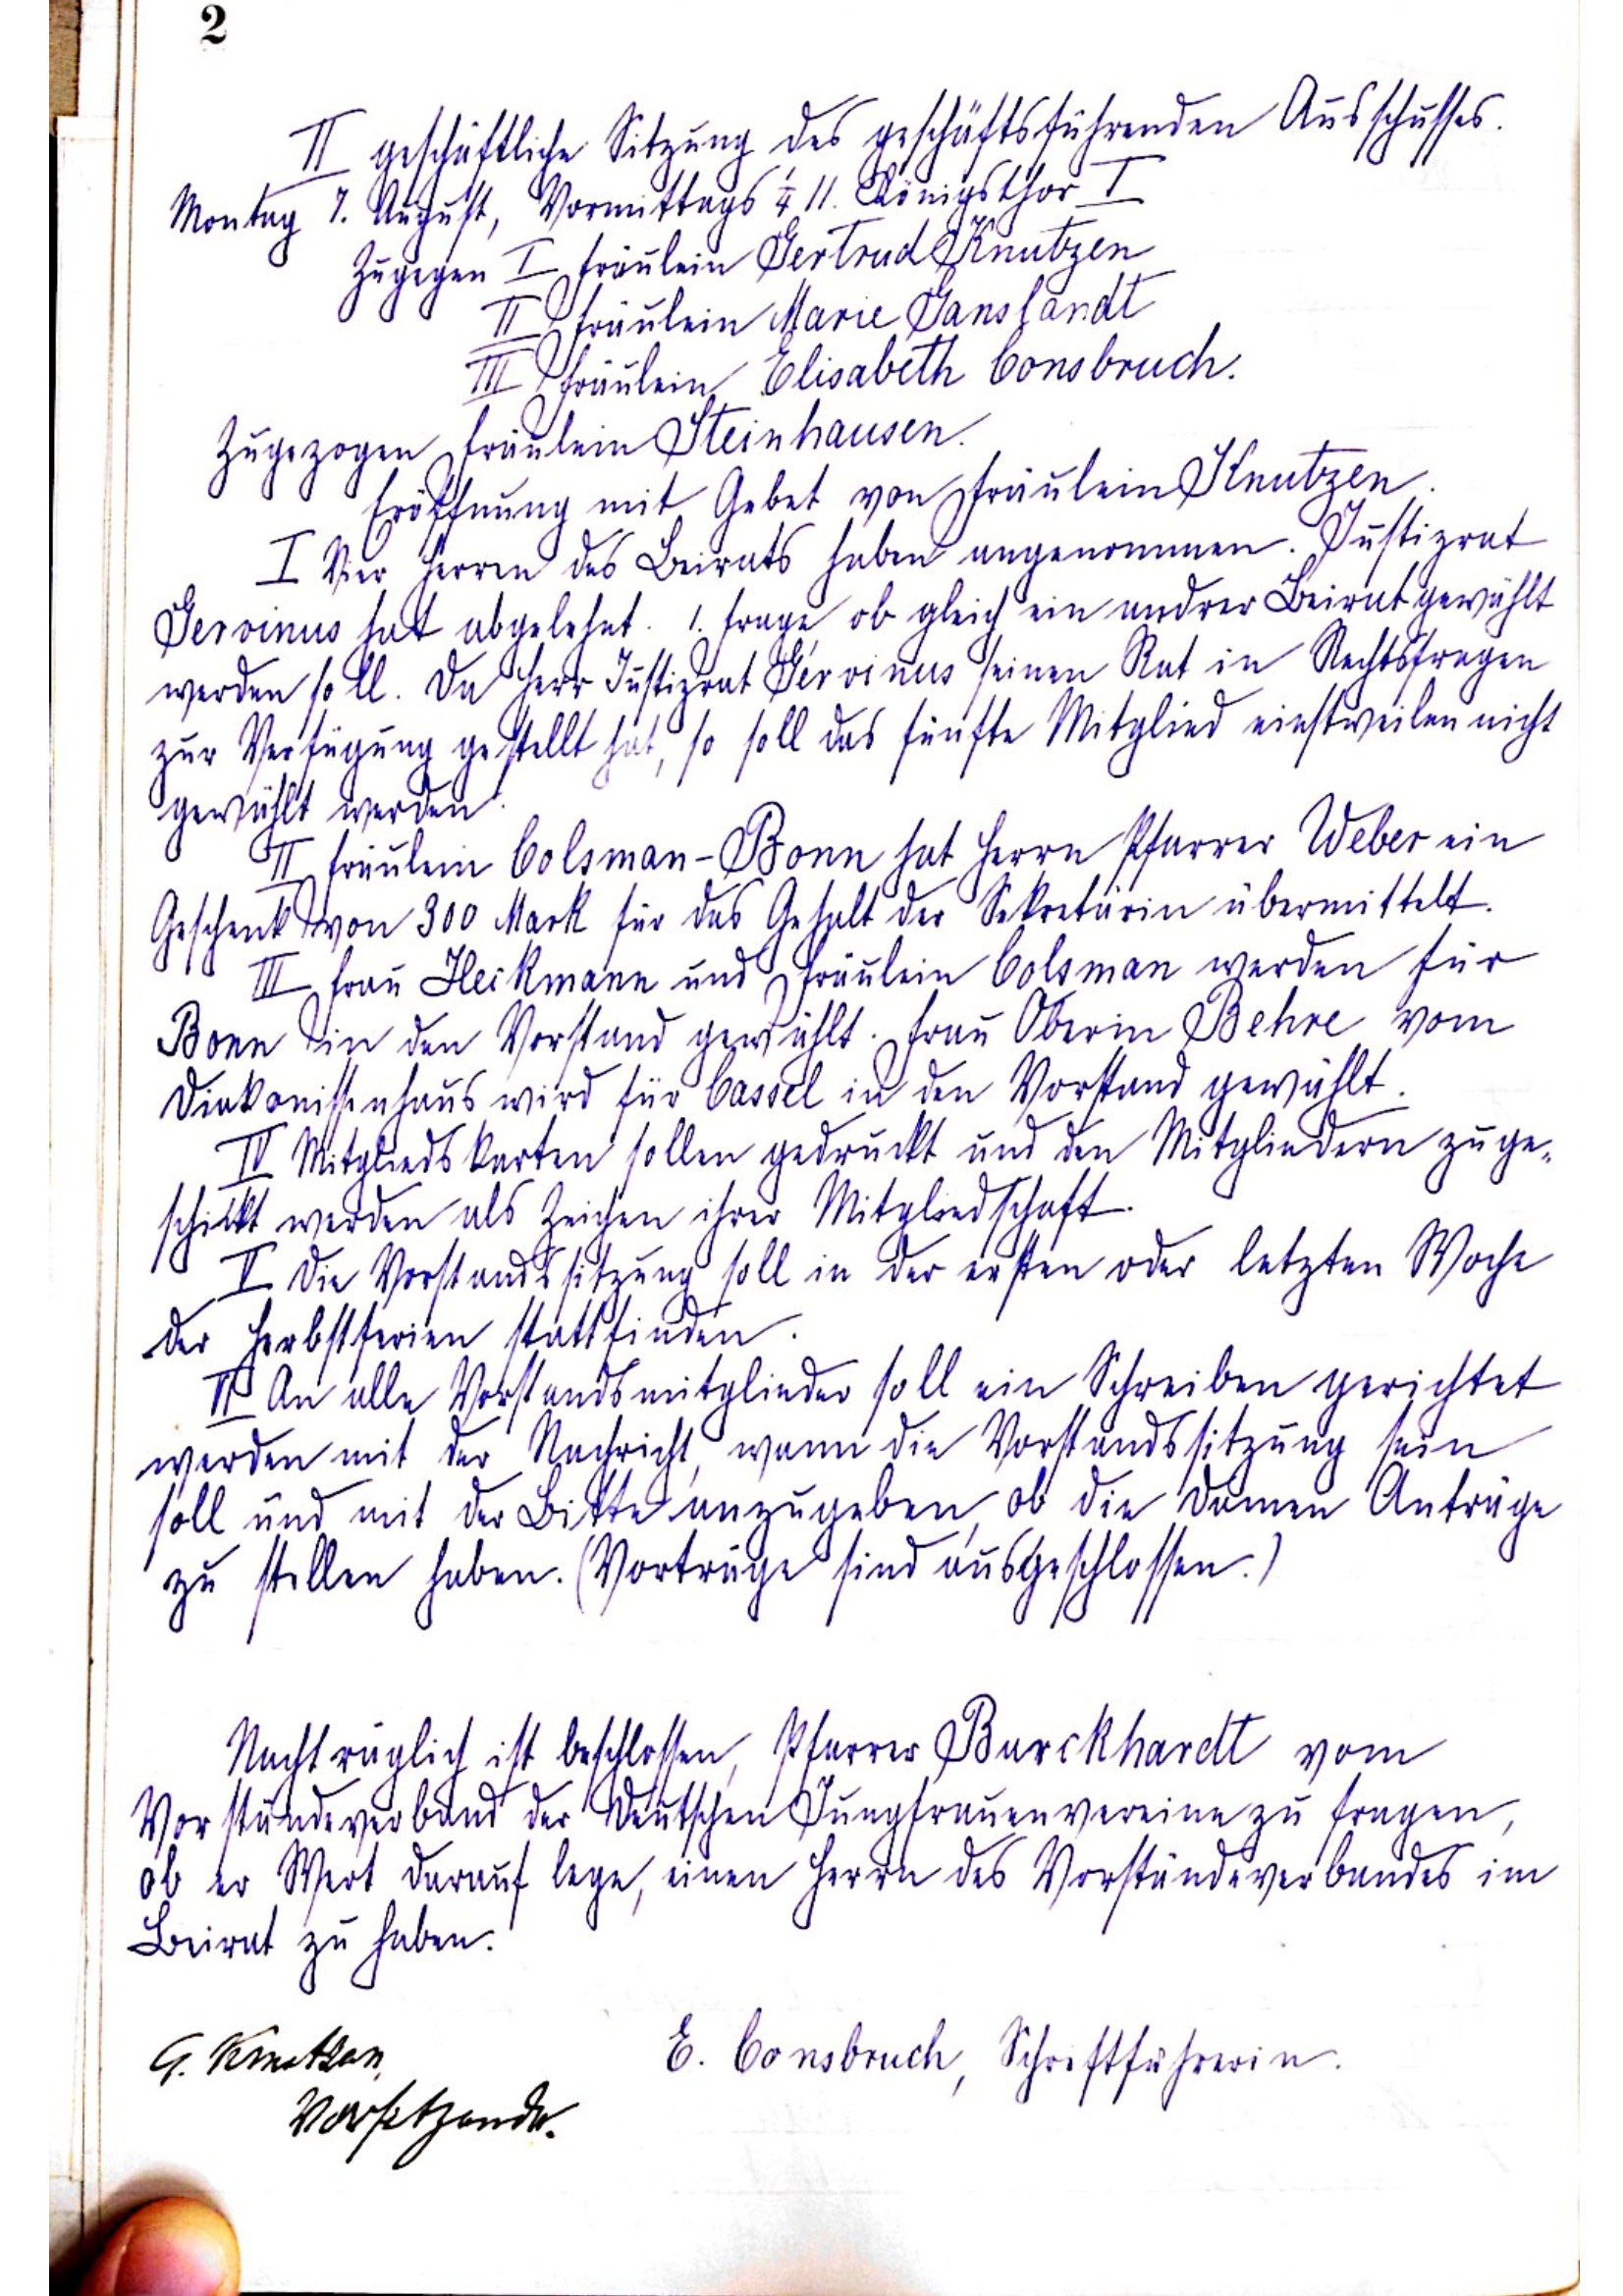II. geschäftliche Sitzung des geschäftsführenden Ausschusses
Montag 7. August, Vormittags ¼ 11 Königsthor I
Zugegen: I. Fäulein Gertrud Knutzen
II. Fräulein Marie Ganslandt
III. Fräulein Elisabeth Consbruck
Zugezogen Fräulein Steinhausen
Eröffnung mit Gebet von Fräulein Knutzen
I. Die Herren des Beirats haben angenommen. Justizrat
Servinus hat abgelehnt. I. Frage ob gleich ein anderer Beirat gewählt
werden soll. Da Herr Justizrat Servinus seinen Rat in Rechtsfragen
zur Verfügung gestellt hat, so soll das fünfte Mitglied einstweilen nicht
gewählt werden.
II. Fräulein Colsman-Bonn hat Herrn Pfarrer Weber ein
Geschenk von 900 Mark für das Gehalt der Sekretärin übermittelt.
III. Frau Heitmann und Fräulein Colsman werden für
Bonn in den Vorstand gewählt. Frau Oberin Behre vom
Diakonissenverband wird für Kassel in den Vorstand gewählt.
IV. Mitgliedskarten sollen gedruckt und den Mitgliedern zuge
schickt werden als Zeichen ihrer Mitgliedschaft.
V. Die Vorstandssitzung soll in der ersten oder letzten Woche
der Herbstferien stattfinden.
VI. An alle Vorstandsmitglieder soll ein Schreiben gerichtet
werden mit der Nachricht wann die Vorstandssitzung sein
soll und mit der Bitte anzugeben, on die Damen Anträge
Anträge zu stellen haben. (Vorträge sind ausgeschlossen)
Nachträglich ist beschlossen Pfarrer Burkhardt vom
Vorstandsverband des deutschen Jungfrauenvereins zu fragen,
ob er Wert darauf lege, einen Herrn der Vorstandsverbandes im
Beirat zu haben.
G. Kuntzen
E. Consbruck, Schrifführerin
Vorsitzende